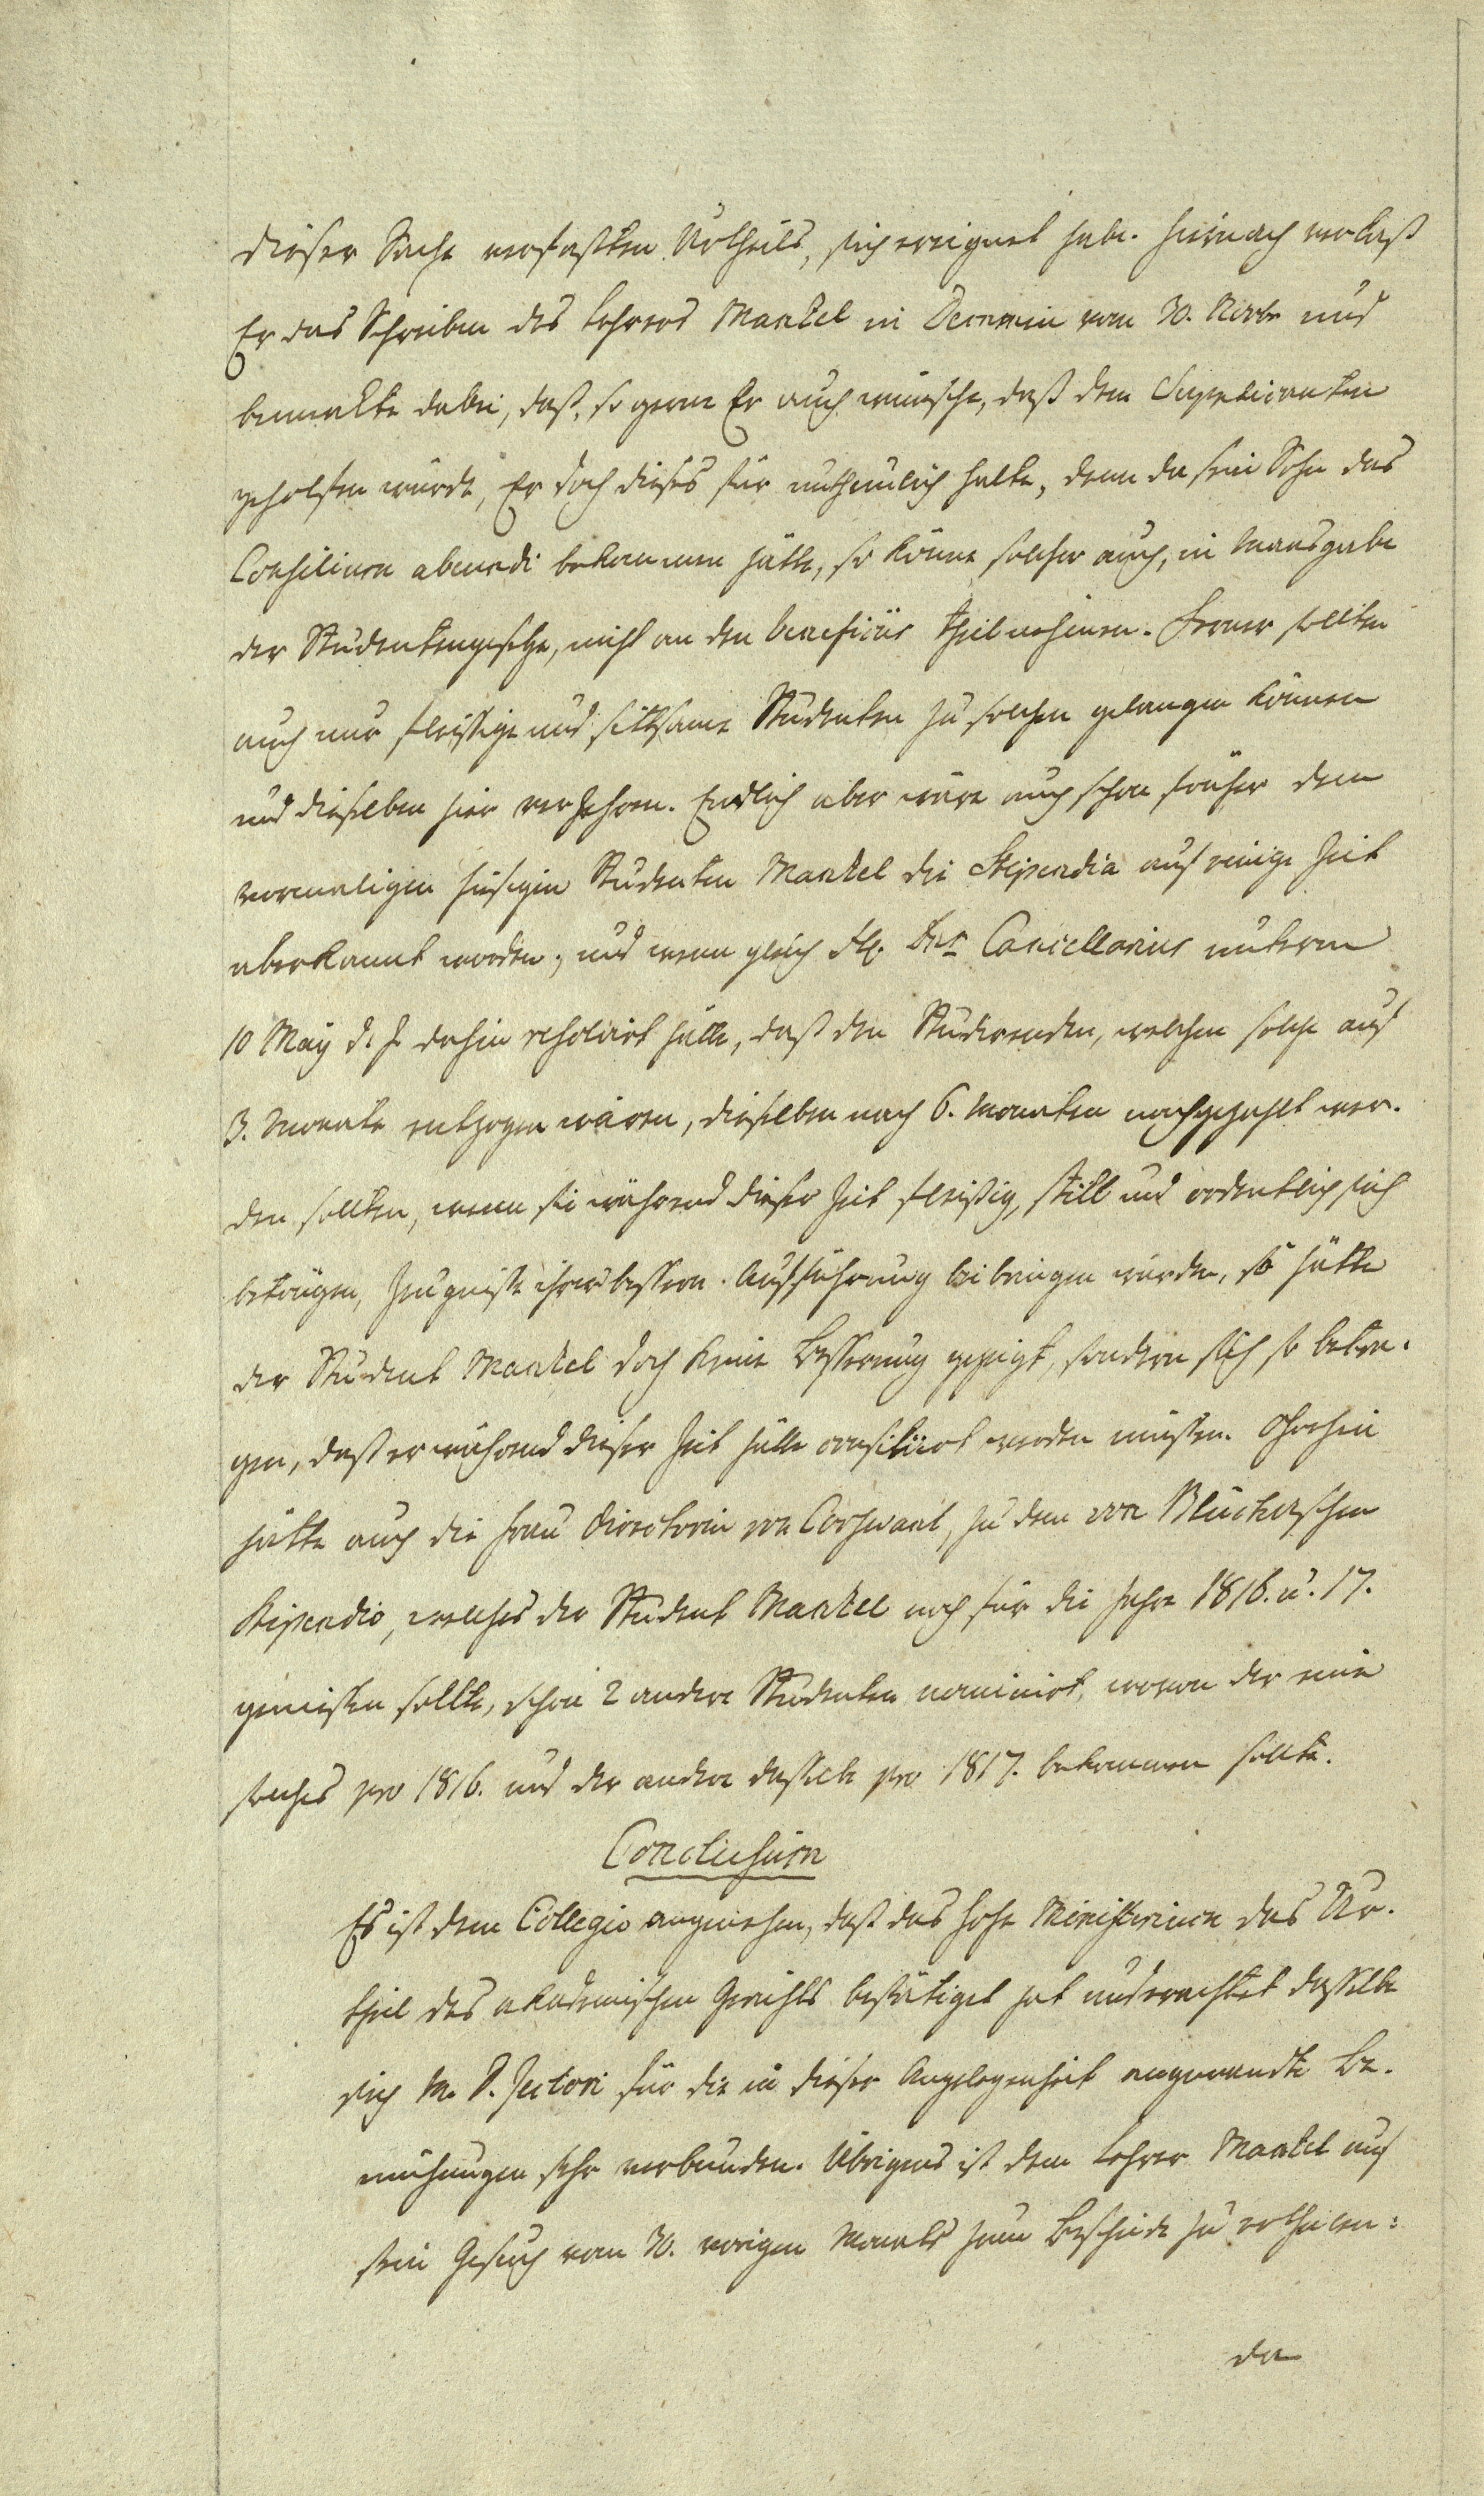dieser Sache verfasten Urtheils, sich ereignet habe. Hiernach verlas
Er das Schreiben des Lehrers Manzel in Demmin vom 30. Novbr und
bemerkte dabei, daß, so gerne Er auch wünsche, daß dem Supplicanten
geholfen würde, Er doch dieses für unthunlich halte, denn da sein Sohn das
Consilium abeundi bekommen hätte, so könne solcher auch, in Maasgabe
der Studentengesetze, nicht an den beneficiis theilnehmen. Ferner sollten
auch nur fleissige und sittsame Studenten zu solchen gelangen können
und dieselben hier verzehren. Endlich aber wäre auch schon früher dem
vormaligen hiesigen Studenten Manzel die Stipendia auf einige Zeit
aberkannt worden; und wenn gleich Ill. Dns Cancellarius unterm
10 Maÿ d. J. dahin resolvirt hätte, daß den Studirenden, welchen solche auf
3. Monate entzogen wären, dieselben nach 6. Monaten nachgezahlt wer¬
den sollten, wenn sie während dieser Zeit fleißig, still und ordentlich sich
betrügen, Zeugnisse ihrer bessern. Aufführung beibringen würden, so hätte
der Student Manzel doch keine Besserung gezeigt, sondern sich so betra¬
gen, daß er während dieser Zeit hätte cosiliirt werden müssen. Ohnehin
hätte auch die Frau Directorin von Corswant, zu dem von Blücherschen
Stipendio, welches der Student Manzel noch für die Jahre1816. u. 17.
geniessen sollte, schon 2 andere Studenten nominirt, wovon der eine
solches pro 1816. und der andere dasselbe pro 1817. bekommen sollte.
Conclusum
Es ist dem Collegio angenehm, daß das hohe Ministerium das Ur¬
theil des akademischen Gerichts bestätiget hat und erachtet dasselbe
sich M. D. Rectori für die in dieser Angelegenheit angewandte Be¬
mühungen sehr verbunden. Übrigens ist dem Lehrer Manzel auf
sein Gesuch vom 30. vorigen Monats zum Bescheide zu ertheilen:
da